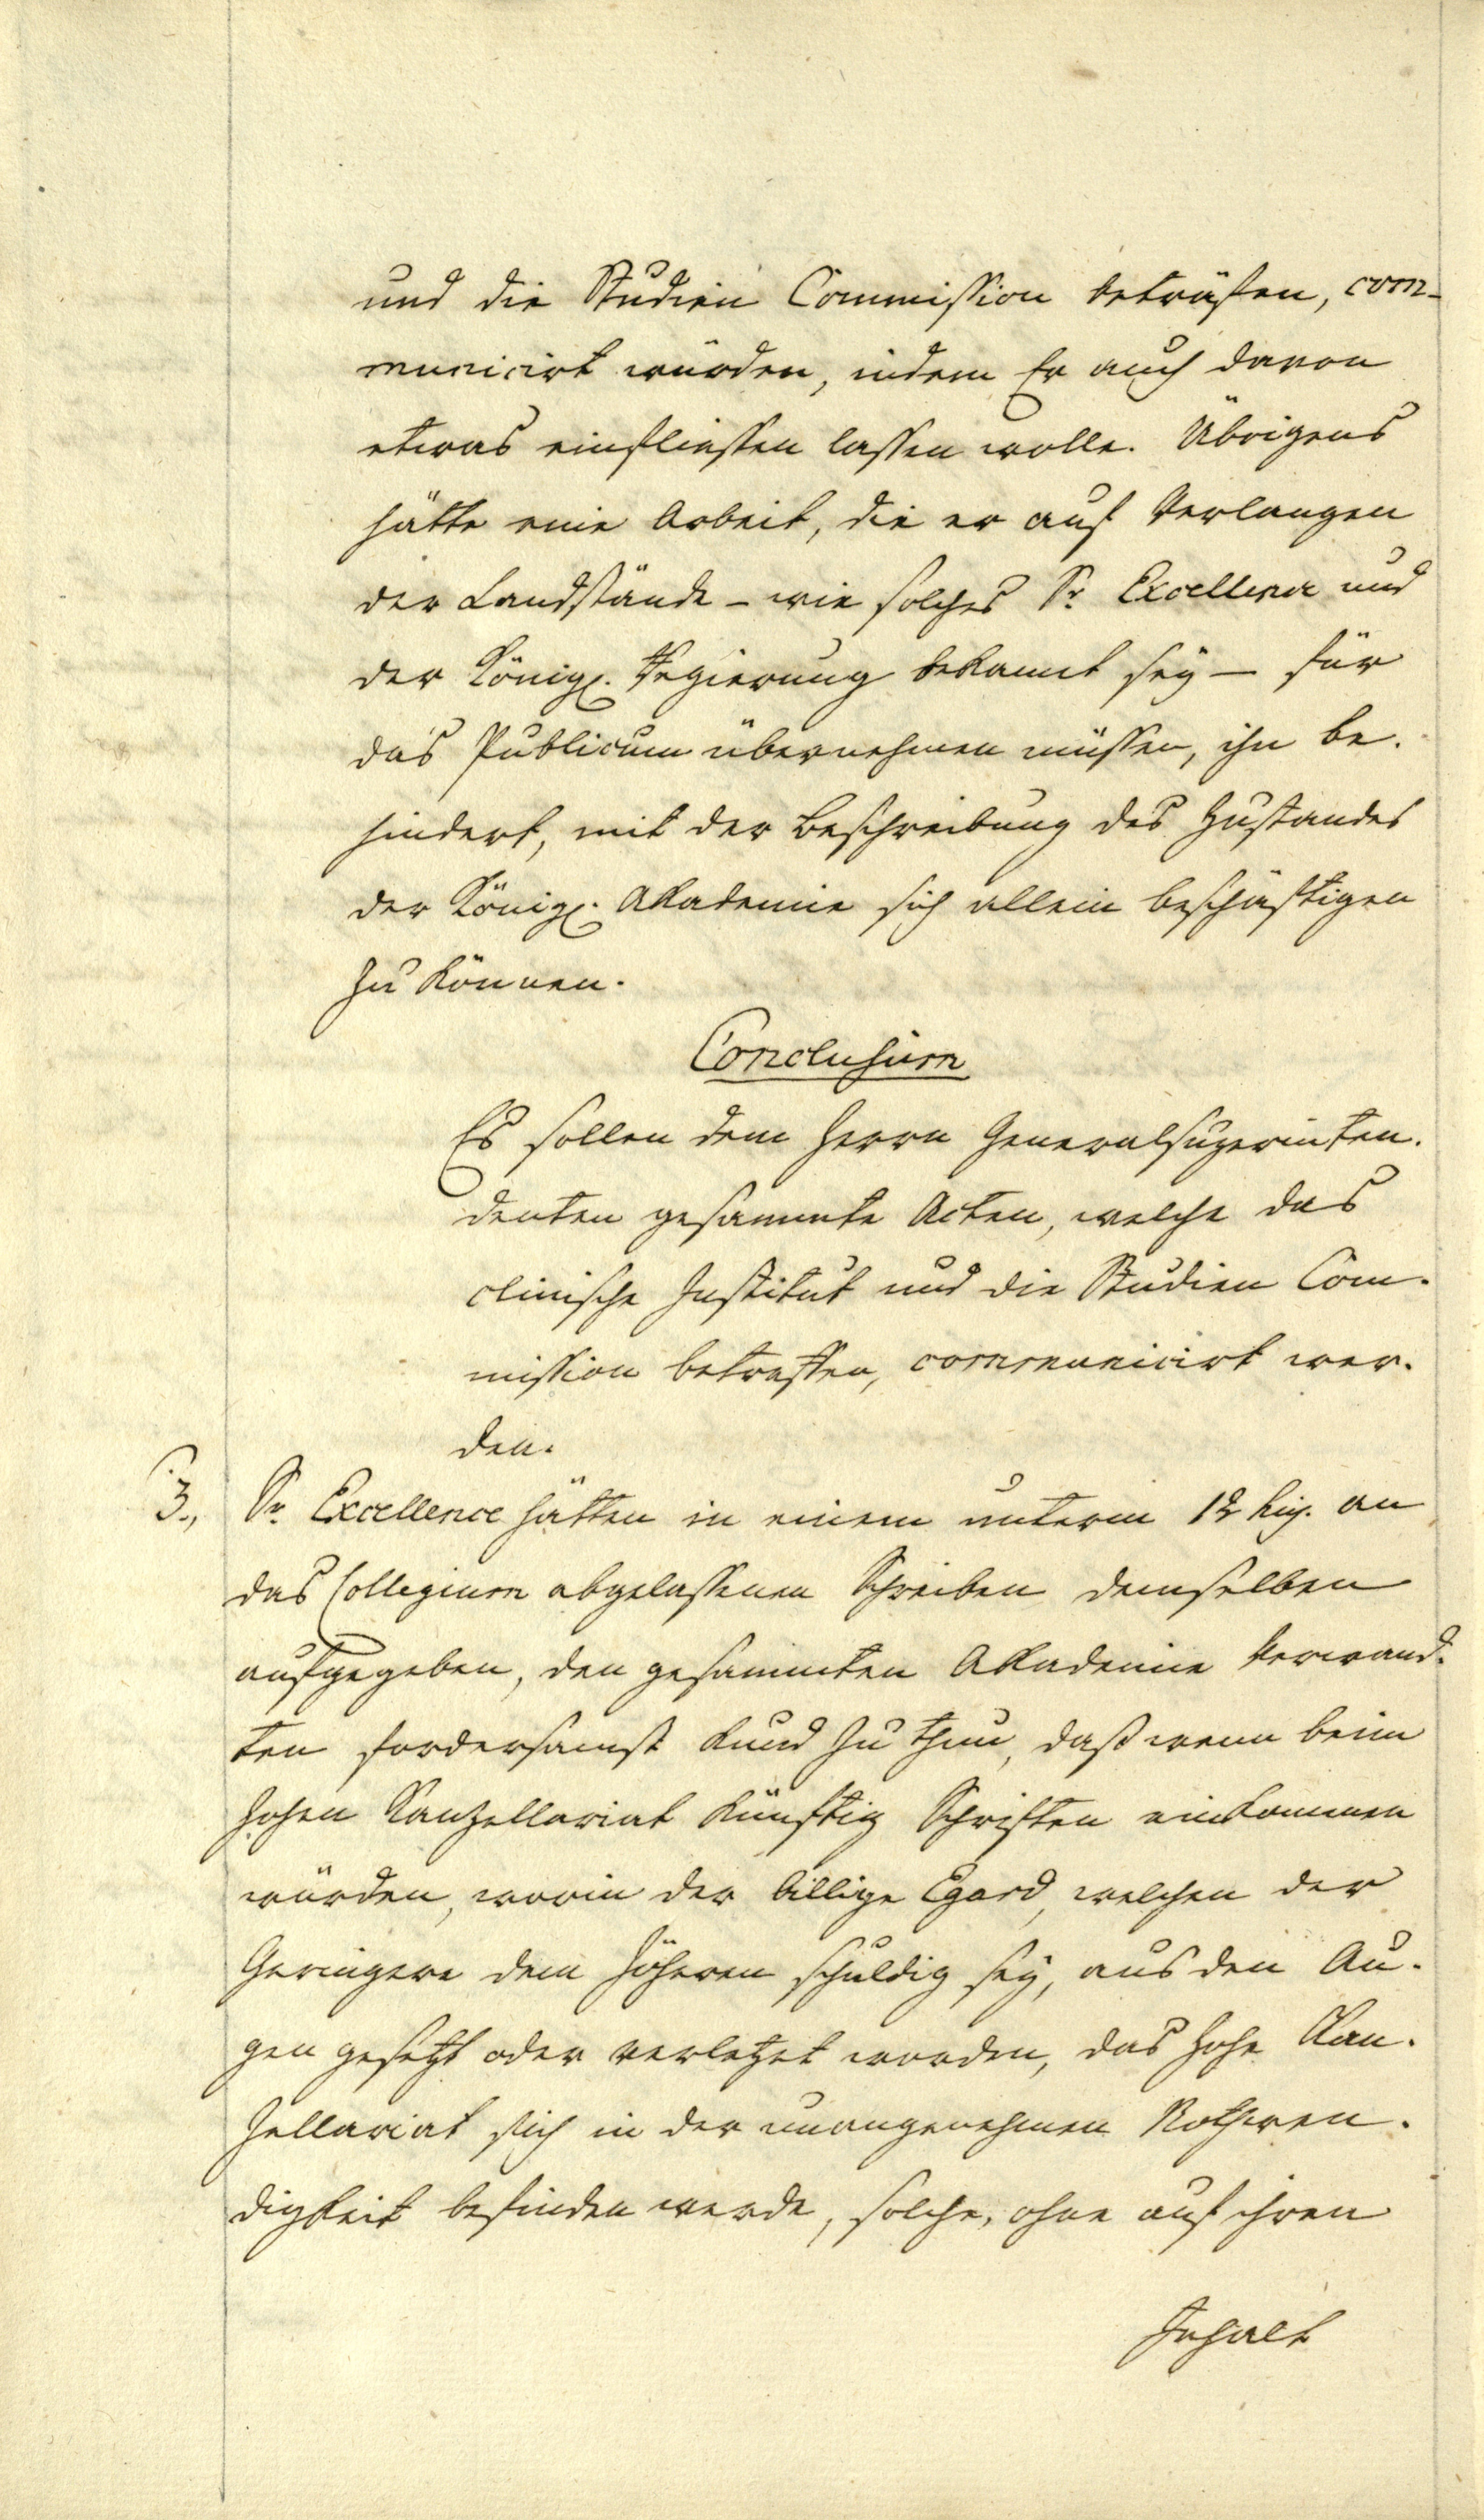und die Studien Commission beträfen, com¬
municirt würden, indem Er auch davon
etwas einfliessen lassen wolle. Übrigens
hätte eine Arbeit, die er auf Verlangen
der Landstände - wie solches Sr Excellence und
der Königl. Regierung bekannt seÿ - für
das Publicum übernehmen müssen, ihn be¬
hindert, mit der Beschreibung des Zustandes
der Königl. Akademie sich allein beschäftigen
zu können.
Conclusum
Es sollen dem Herrn Generalsuperinten¬
denten gesammte Acten, welche das
clinische Institut und die Studien Com¬
mission betreffen, communicirt wer¬
den.
3., Sr Excellence hätten in einem unterm 12 huj. an
das Collegium abgelassenen Schreiben demselben
aufgegeben, den gesammten Akademie Verwand¬
ten fordersamst kund zu thun, daß wenn beim
hohen Kanzellariat künftig Schriften einkommen
würden, worin der billige Egard welchen der
Geringere dem Höheren schuldig seÿ, aus den Au¬
gen gesetzt oder verletzet worden, das hohe Kan¬
zellariat sich in der unangenehmen Nothwen-
digkeit befinden werde, solche, ohne auf ihren
Inhalt